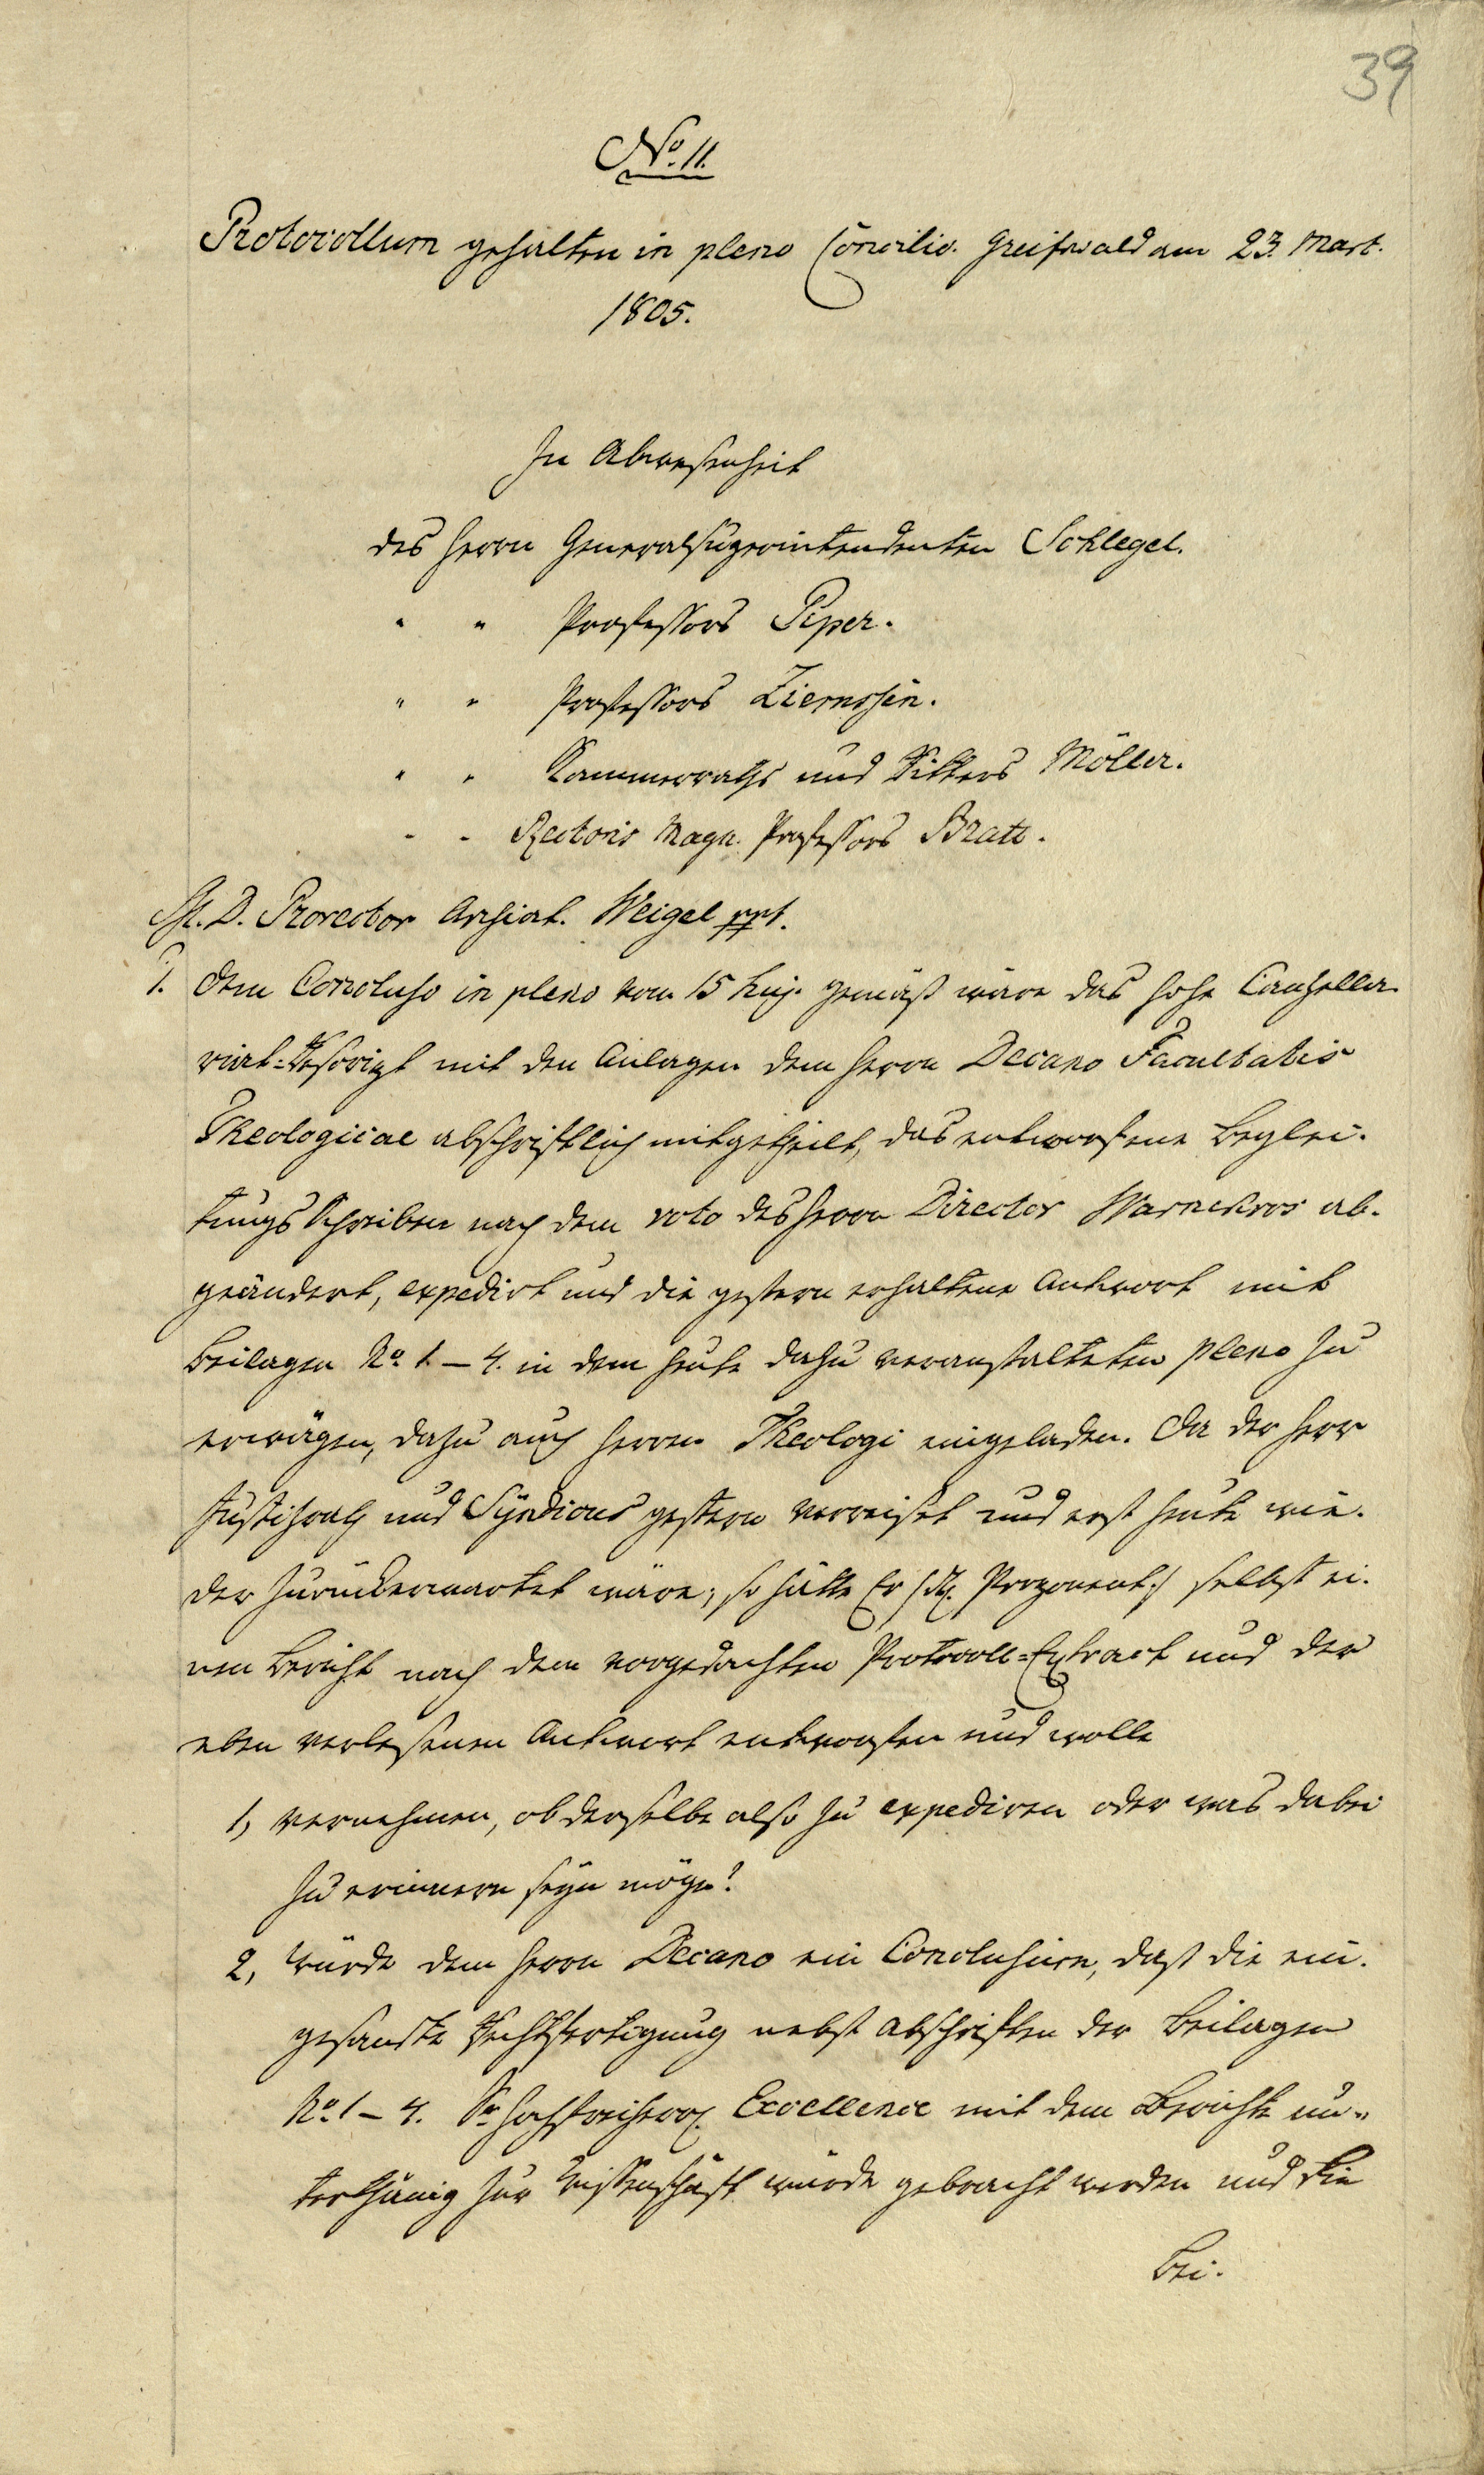No 11.
Protocollum gehalten in pleno Concilio. Greifswald am 23 Mart.
1805
In Abwesenheit
des Herrn Generalsuperintendenten Schlegel.
Professors Piper.
Professors Ziemssen.
Kammerraths und Ritters Möller.
Rectoris Magn. Professors Bratt.
M. D. Prorector Archiat. Weigel ppt.
1. Dem Concluso in pleno vom 15 huj. gemäß wäre das hohe Canzella¬
riat-Rescript mit den Anlagen dem Herrn Decano Facultatis
Theologicae abschriftlich mitgetheilt, das entworfene Beglei¬
tungs Schreiben nach dem voto des Herrn Director Warnekros ab¬
geändert, expedirt und die gestern erhaltene Antwort mit
Beilagen No 1-4. in dem heute dazu veranstalteten pleno zu
erwägen, dazu auch Herren Theologi eingeladen. Da der Herr
Justizrath und Sÿndicus gestern verreiset und erst heute wie¬
der rurückerwartet wäre, so hätte Er /dh. Proponent/ selbst ei¬
nen Bericht nach dem vorgedachten Protocoll-Extract und der
eben verlesenen Antwort entworfen und wolle
1, vernehmen, ob derselbe also zu expediren oder was dabei
zu erinnern seÿn möge.
2, Würde dem Herrn Decano ein Conclusum, daß die ein¬
gesandte Rechtfertigung nebst Abschriften der Beilagen
No 1-4. Sr Hochfreiherrl. Excellence mit dem Berichte un¬
terthänig zur Wissenschaft würde gebracht werden und die
Bei